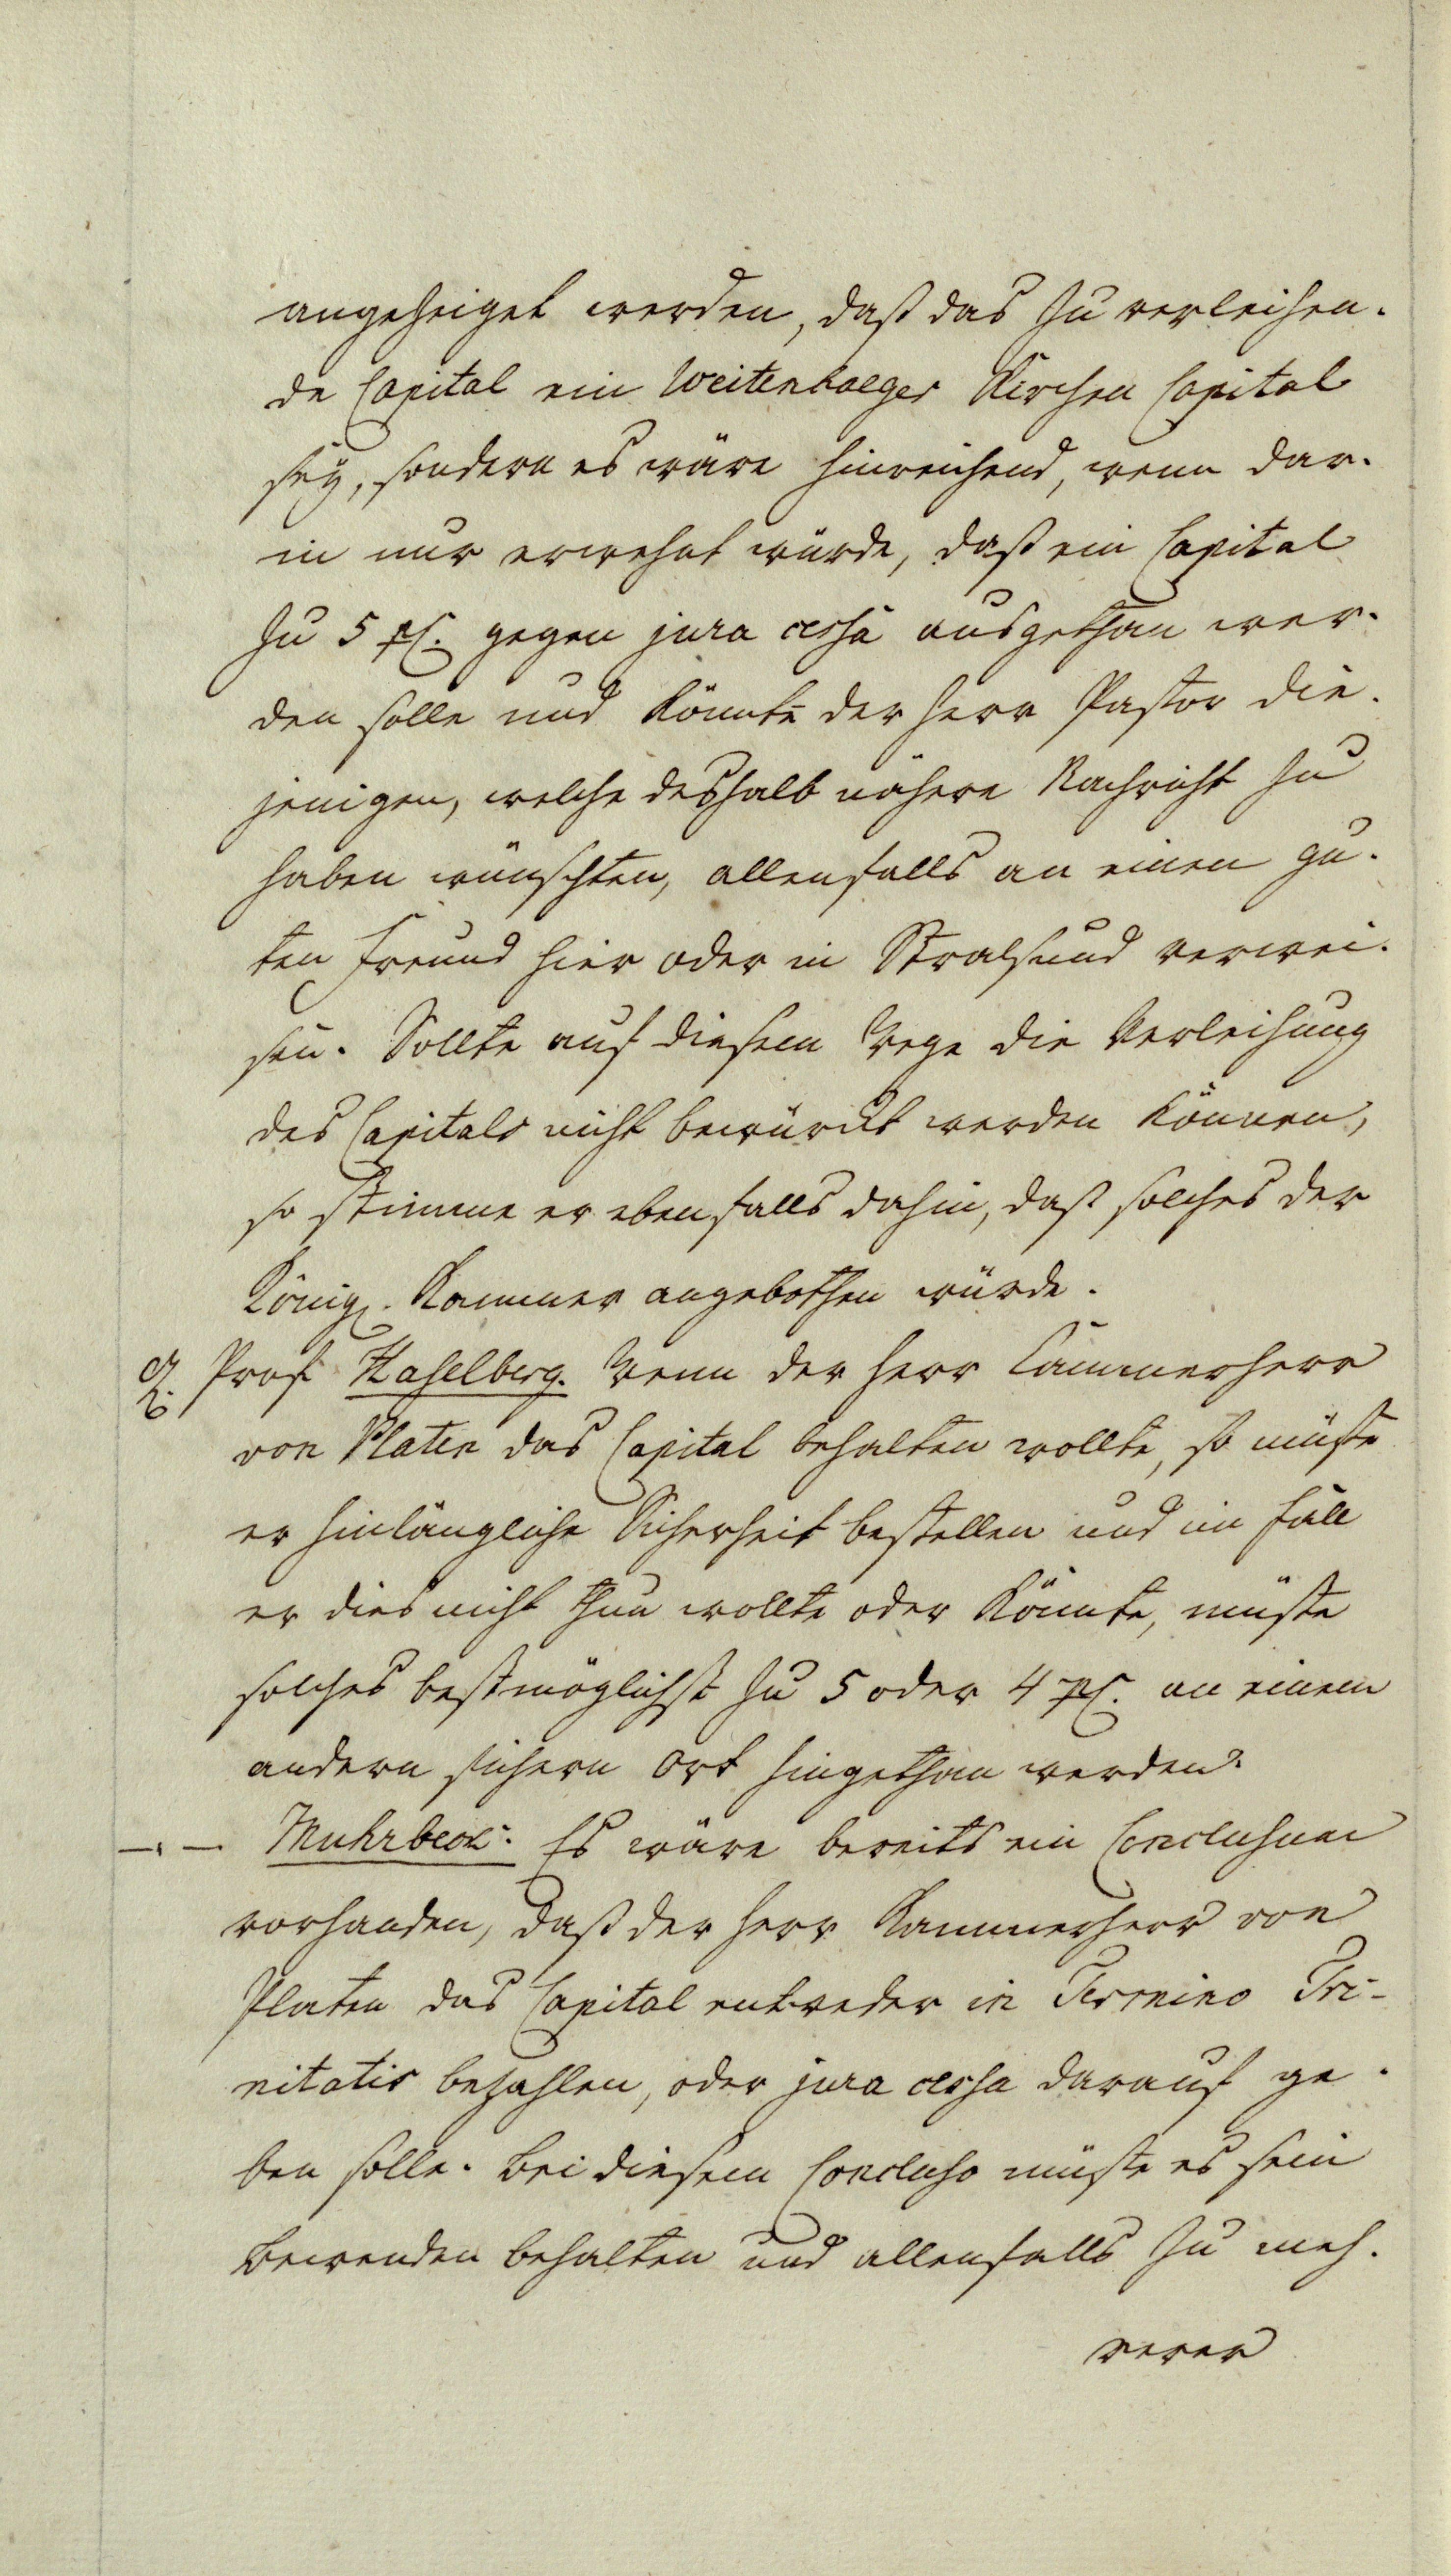angezeiget werden, daß das zu verleihen¬
de Capital ein Weitenhaeger Kirchen Capital
seÿ, sondern es wäre hinreichend, wenn dar¬
in nur erwehnt würde, daß ein Capital
zu 5 pl. gegen jura cessa ausgethan wer¬
den solle und könnte der Herr Pastor die¬
jenigen, welche deshalb nähere Nachricht zu
haben wünschten, allenfalls an einen gu-
ten Freund hier oder in Stralsund verwei¬
sen. Sollte auf diesem Wege die Verleihung
des Capitals nicht bewürckt werden können,
so stimme er ebenfalls dahin, daß solches der
Königl. Kammer angebothen würde.
dh. Prof. Haselberg. Wenn der Herr Cammerherr
von Platen das Capital behalten wollte, so müßte
er hinlängliche Sicherheit bestellen und im Fall
er dies nicht thun wollte der könnte, müßte
solches bestmöglichst zu 5 oder 4 pl. an einem
andern sichern Ort hingethan werden.
Muhrbeck. Es wäre bereits ein Conclusum
vorhanden, daß der Herr Kammerherr von
Platen das Capital entweder in Termino Tri¬
nitatis bezahlen, oder jura cessa darauf ge¬
ben solle. Bei diesem Concluso müßte es sein
Bewenden behalten und allenfalls zu meh¬
rerer